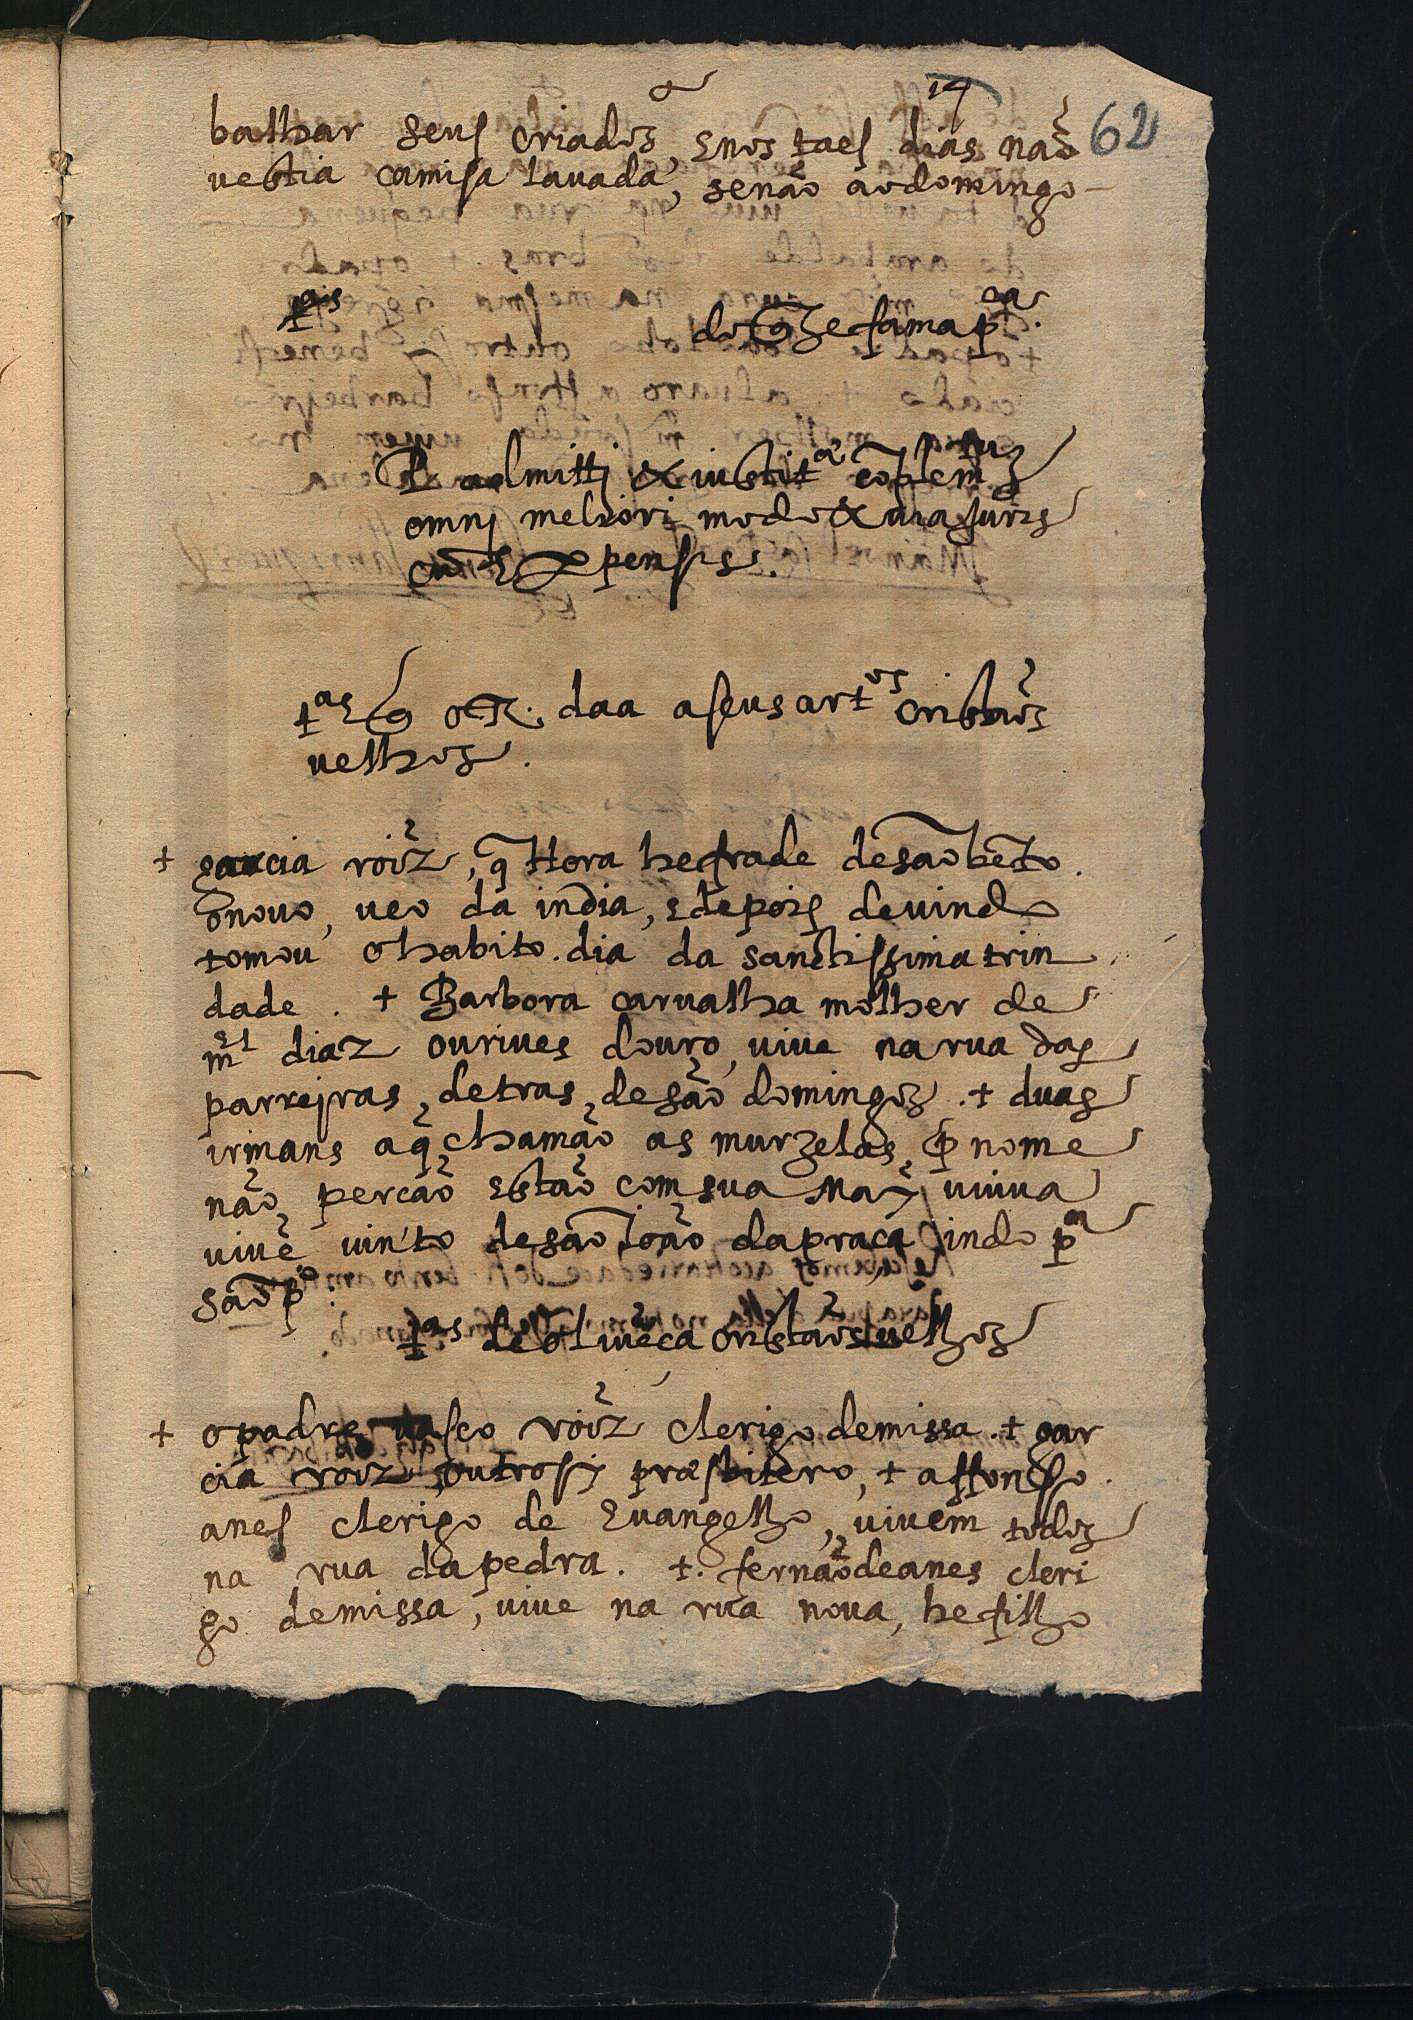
balhar seus criados, E nos taes dias naõ
uestia camisa lauada, senão ao domingo
tas
do q̄ he fama pca.
P admittj & iustita cōplemtuz
omnj meliori modo & uia Juris
cū EXpensis.
tas q̄ o R. daa a seus artos cristaõs
uelhos.
+ garcia roiz̄, q̄ Hora he frade de são bēto
o nouo, ueo da india, E depois de uindo
tomou o habito dia de sanctissima trin
dade. + Barbora carualha molher de
mEl diaz ouriues douro, uiue na rua das
parreiras detras de são domingos + duas
irmans a q̄ chamão as murzelas ꝑ nome
não percaõ Estaõ com sua Maȳ uiuua
uiuē iunto de saõ Ioaõ da praça indo pa
saõ po:
t.as de oliuēça cristaõs uelhos
+ o padre uasco roiz̄ clerigo de missa. + gar
cia roiz, outrosy præsbitero, + affonso
anes clerigo de Euangelho, uiuem todos
na rua da pedra. +. fernaõ de anes cleri
go de missa, uiue na rua noua, he filho
